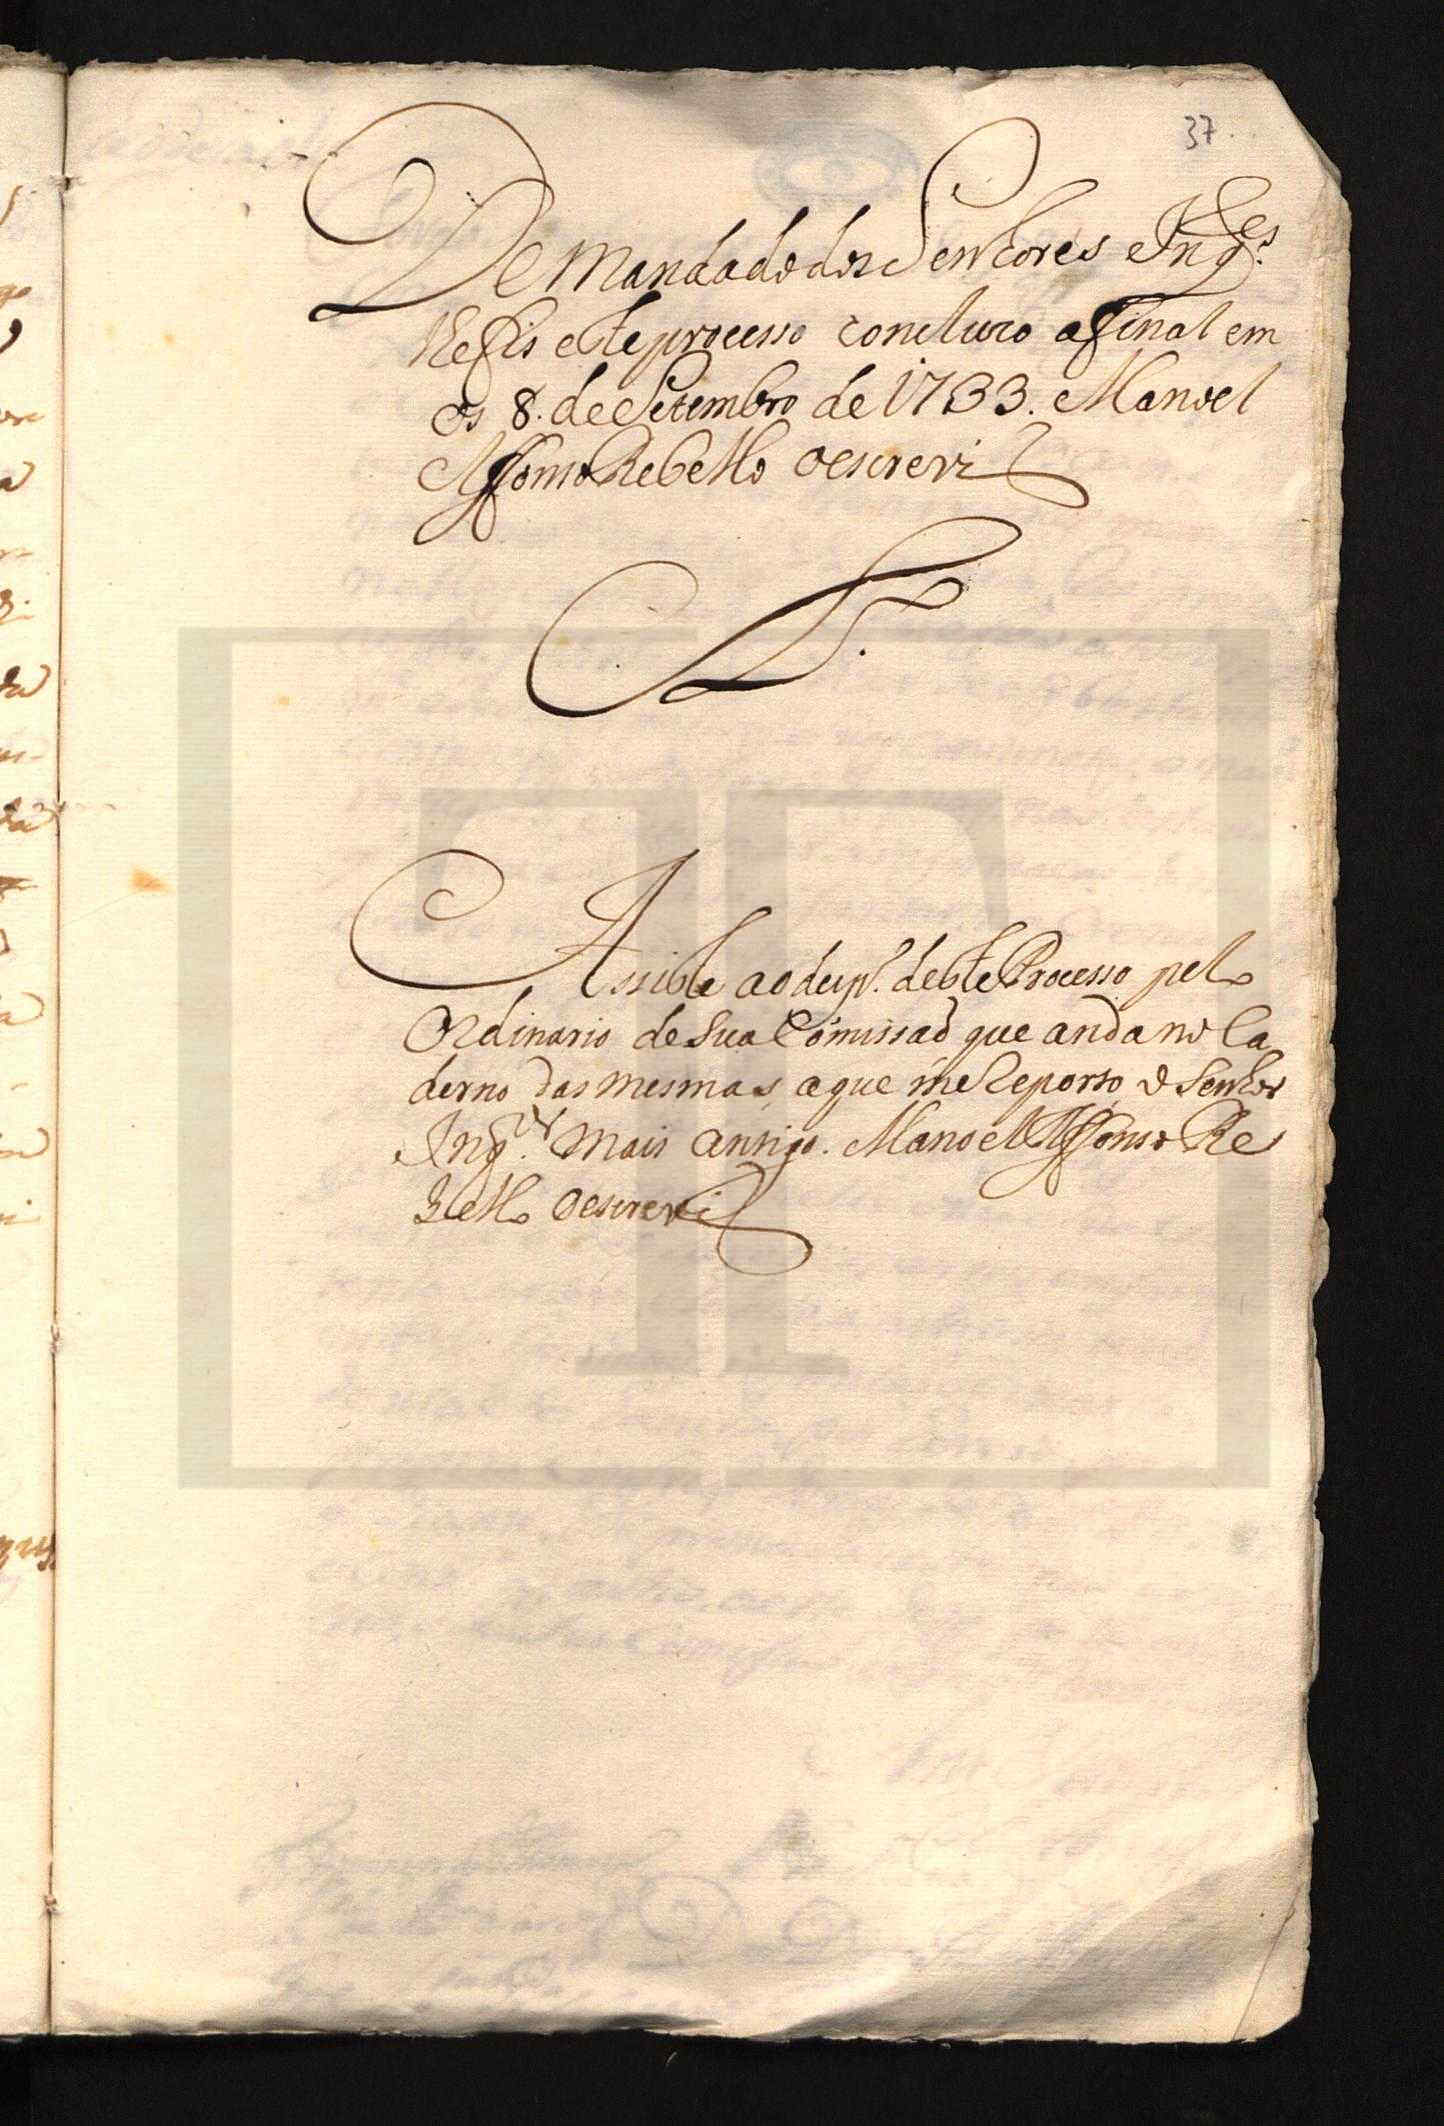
De mandado dos Senhores Inq.res
lhe fis este processo concluzo a final em
os 8. de Setembro de i733. Manoel
Affonso Rebello o escrevi
CL.o
Assiste ao desp.o deste Processo pelo
Ordinario de sua Comissaõ, que anda no Ca
derno das mesmas, a que me Reporto, o Senhor
Inq.or mais antigo. Manoel Affonso Re
bello o escrevi
